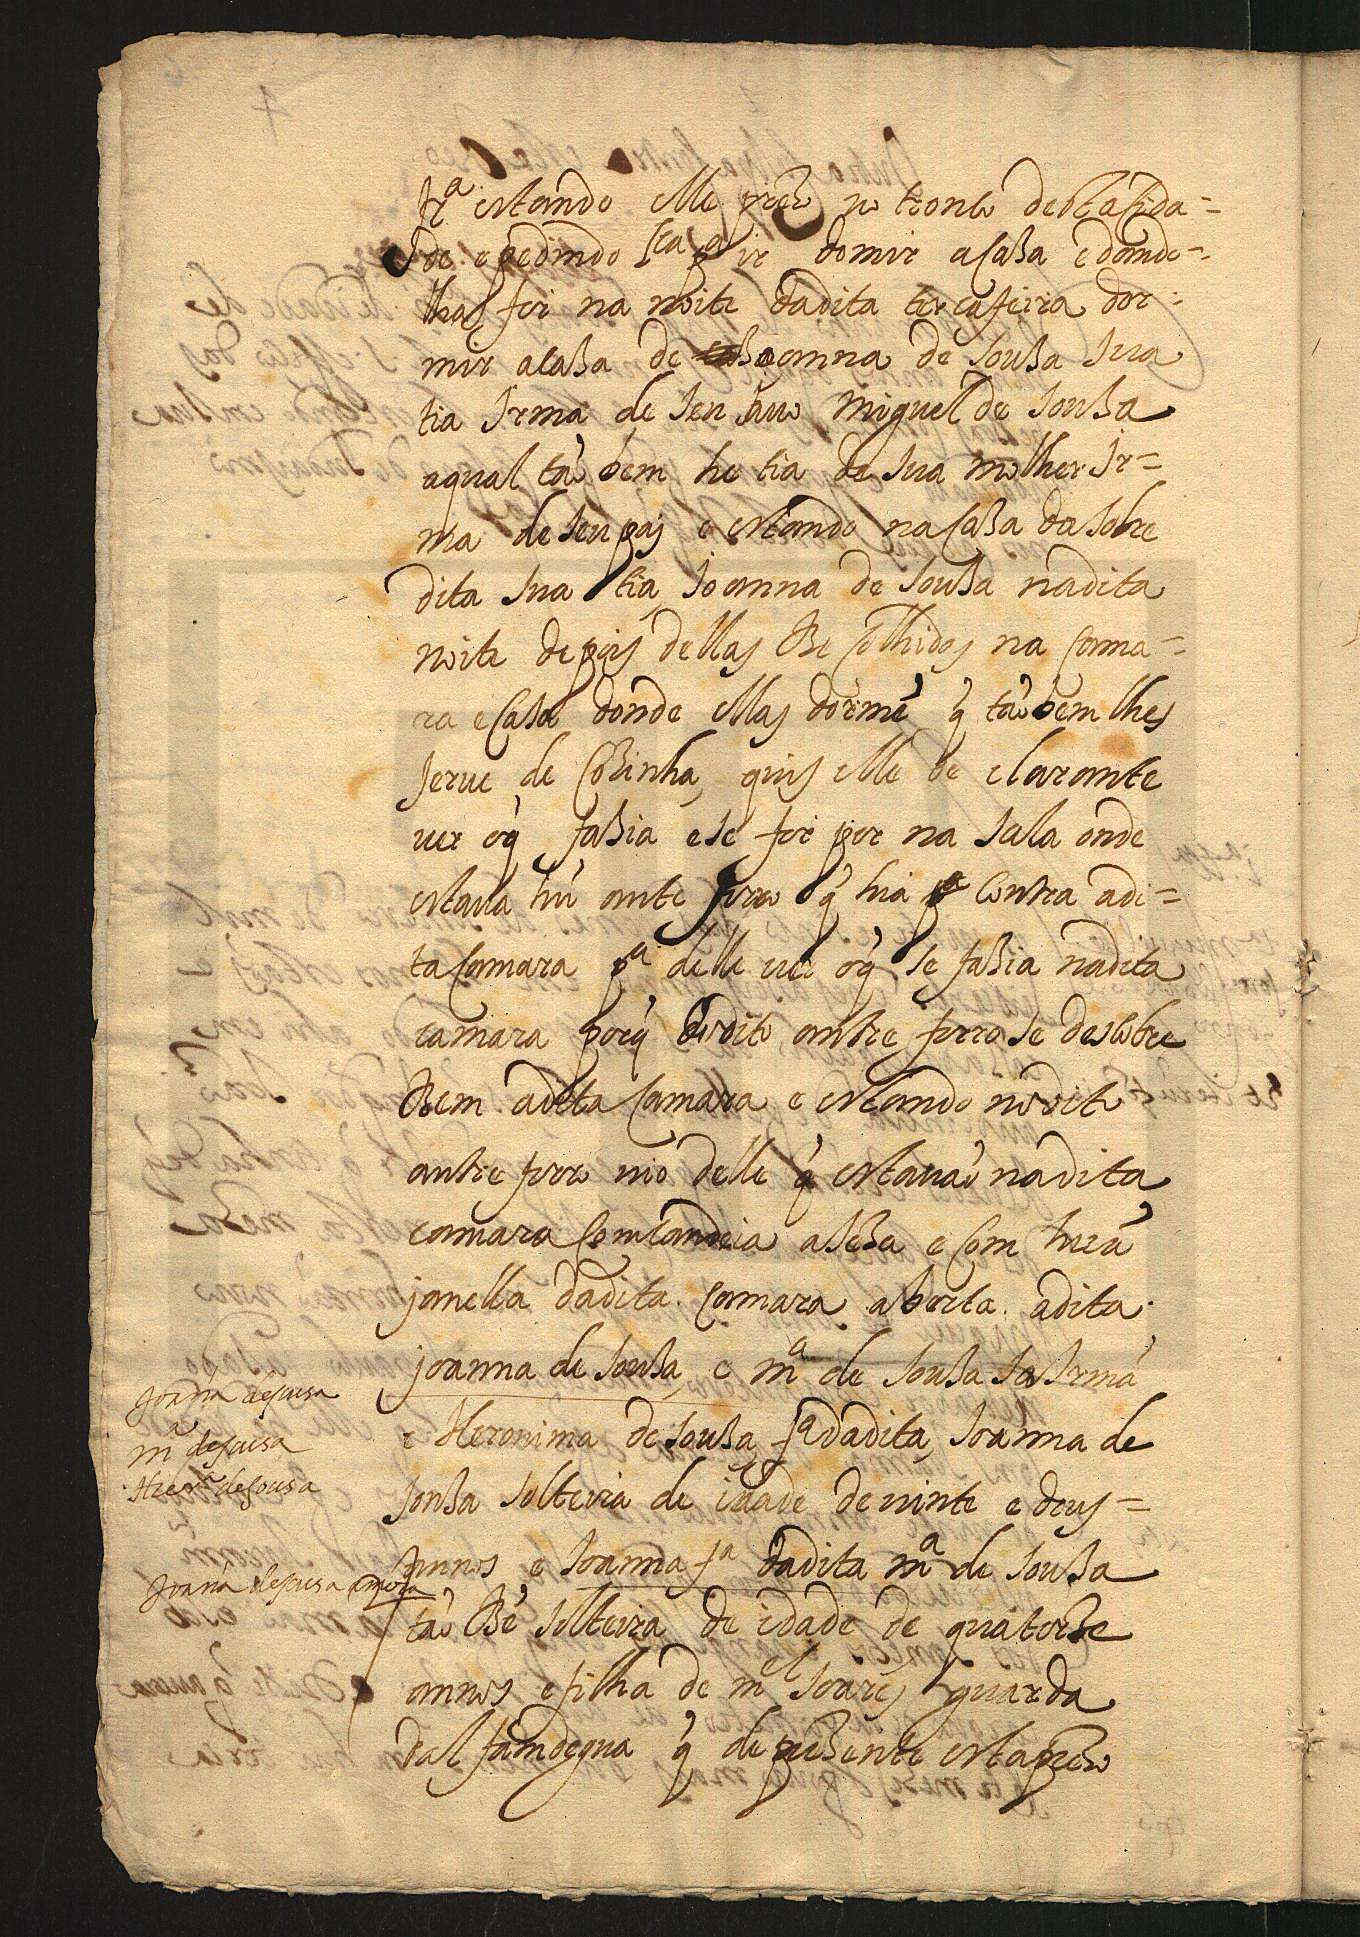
joana de sousa
ma de sousa
Hiera de sousa
fra estando elle prezo no tronco desta Cida
de, e pedindo lca pa ir domir a Caza e dando
lha foi na noite da dita terca feira dor
mir a caza de cazoanna de souza sua
tia Irma de seu auo Miguel de Souza
a qual taõ bem he tia de sua molher Ir
ma de seu paj e estando na Caza da sobre
dita sua tia Ioanna de Souza na dita
noite depois dellas ReColhidas na Cama
ra e Casa donde ellas dormē q̄ taõbem lhes
serue de Cozinha, quis elle declarante
uer o q̄ fazia e se foi por na sala onde
estaua hū ante forro q̄ hia pa contra a di
ta Camara pa delle uer o q̄ se fazia na dita
camara porq̄ do dito antre forro se descobre
Bem a dita Camara, e estando no dito
antre forro uio delle q̄ estauaõ na dita
camara Com candeia aseza e Com huā
janella da dita Camara aberta a dita
joanna de Souza, e ma de Souza sa Irmā
e Heronima de souza, fa da dita Ioanna de
souza solteira de idade de uinte e dous
Annos e Ioanna fa da dita ma de Souza
Joana de sousa a moca
taõBē solteira de idade de quatorze
annos e filha de mel soares guarda
dalfamdegua q̄ de prezente esta prezo
